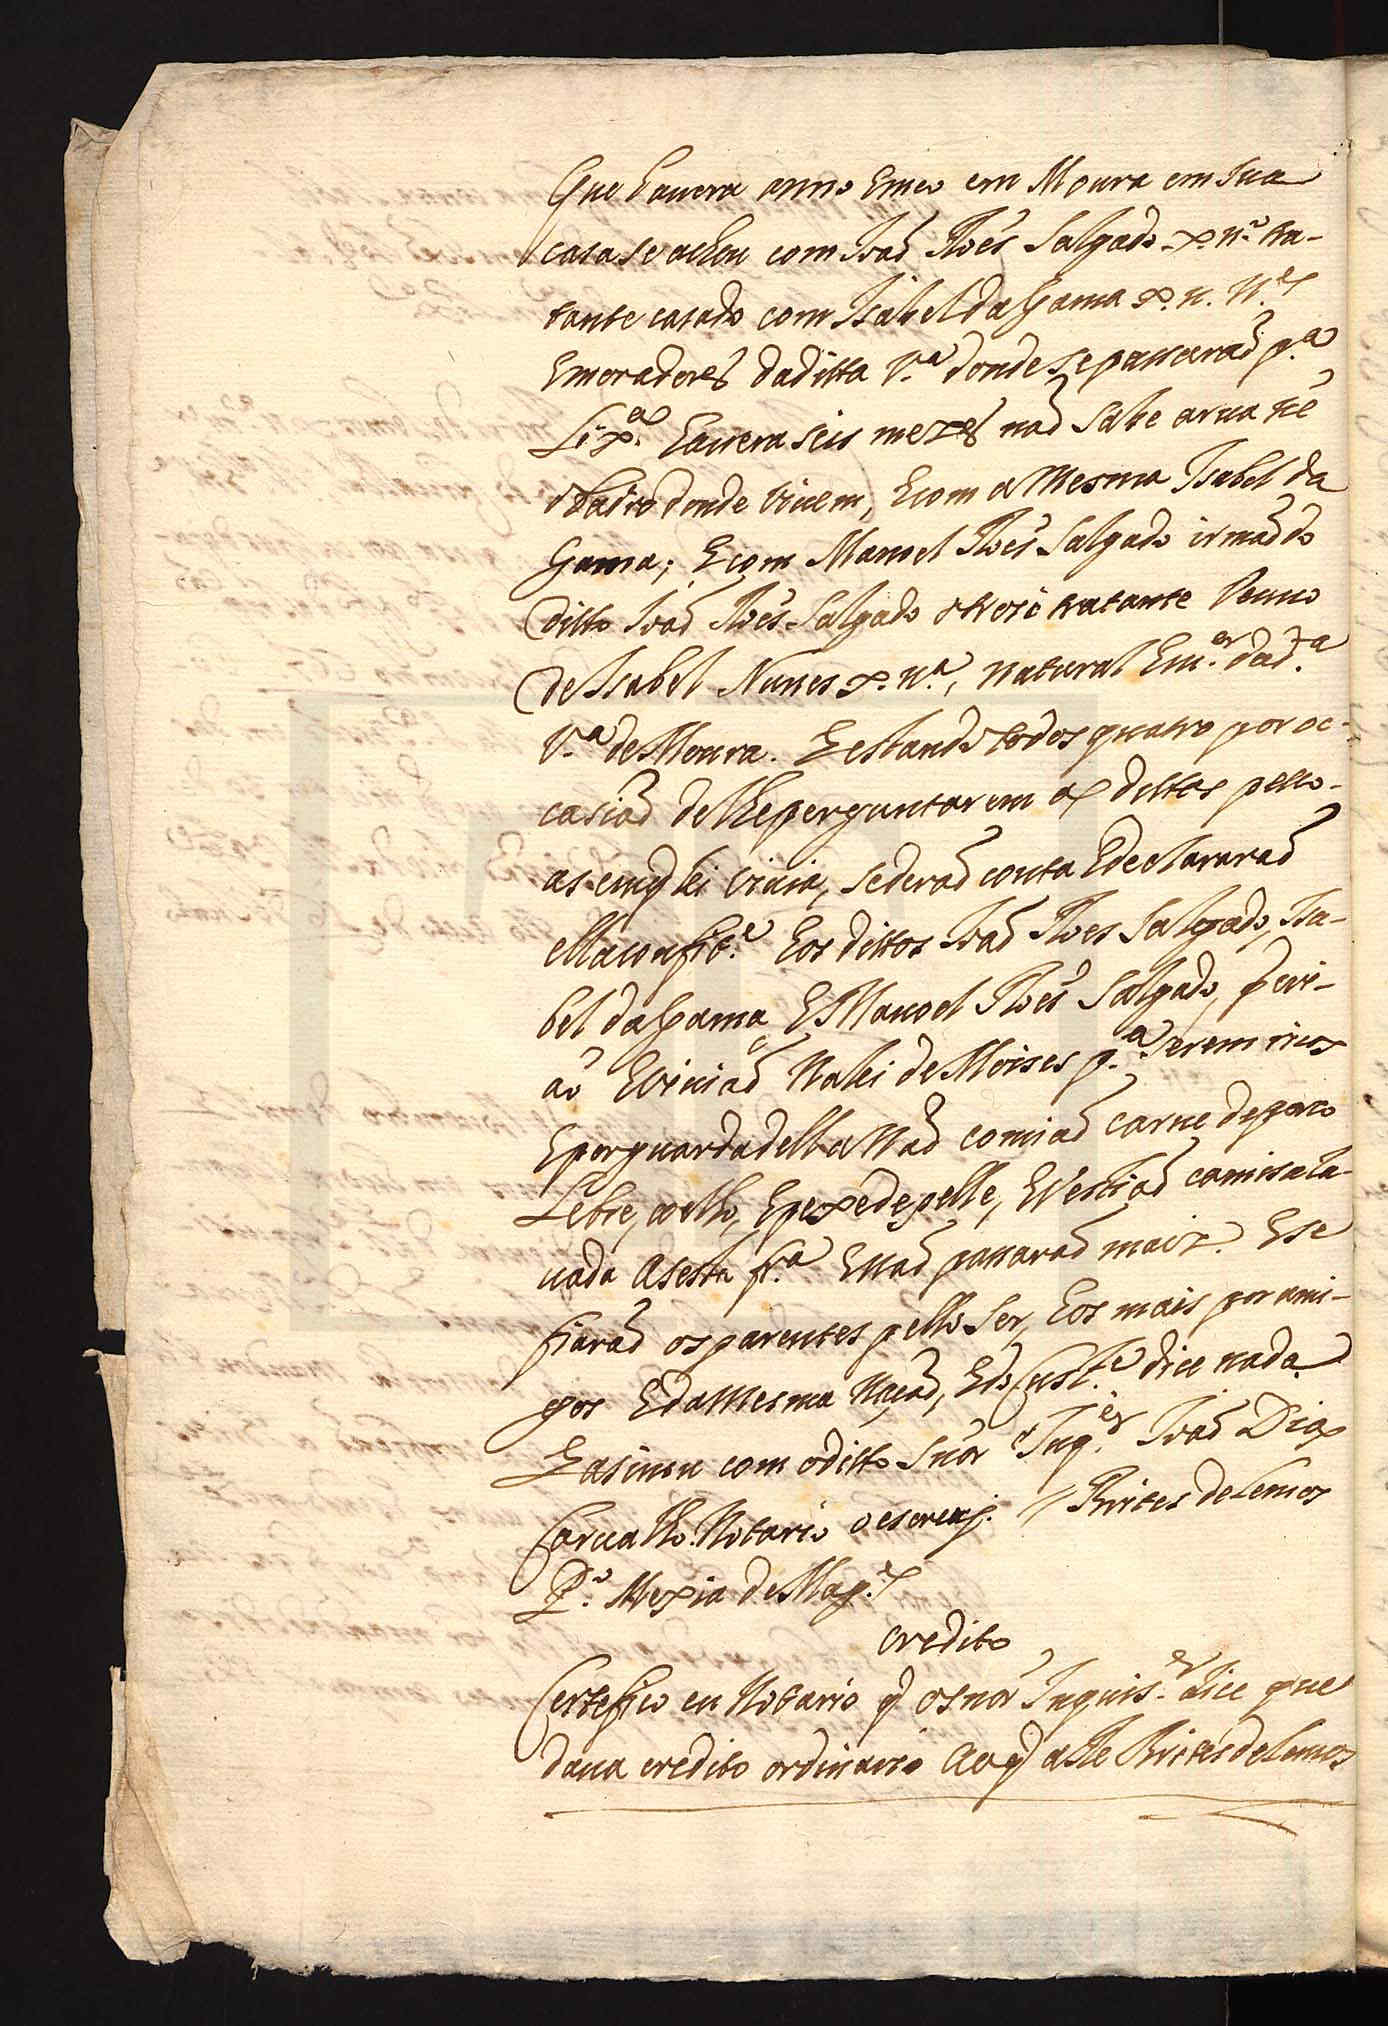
Que hauera anno E meo em Moura em sua
casa se achou com Ioaõ Roes̄ Salgado x. n.o tra
tante casado com Isabel da Gama x. n. N.es
E moradores da ditta V.a donde se passaraõ p.a
Lix.a hauera seis mezes naõ sabe a rua nē
o bairo donde viuem, E com a mesma Isabel da
Gama; E com Manoel Roes̄ Salgado irmaõ do
ditto Ioão Roes̄ Salgado otrosi tratante Veuuo
de Isabel Nunes x. n.a natural E m.or da d.a
V.a de Moura. E estando todos quatro por oc
casiaõ de lhe perguntarem as dittas pesso
as em q̄ lei viuia, se deraõ conta E declararaõ
ella confit.e E os dittos Ioaõ Roes Salgado, Isa
bel da Gama, E Manoel Roes̄ Salgado, q̄ cri
aõ E viuiaõ na lei de Moises p.a serem ricos
E por guarda della não comiaõ carne de porco
Lebre, coelho, E pexe de pelle, E vestiaõ camisa la
uada a sesta fr.a E naõ passaraõ mais. E se
fiaraõ os parentes pello ser, E os mais por ami
gos, E da mesma nação, E do Cust.e dice nada.
E asinou com o ditto snōr Inq.or Ioaõ Dias
Carualho Notario o escreuj. = Brites de Lemos
P.o Mexia de Mag.es
credito
Certefico eu Notario q̄ o snor̄ Inquis.or dice que
daua credito ordinario ao q̄ a Re Brites de Lemos
